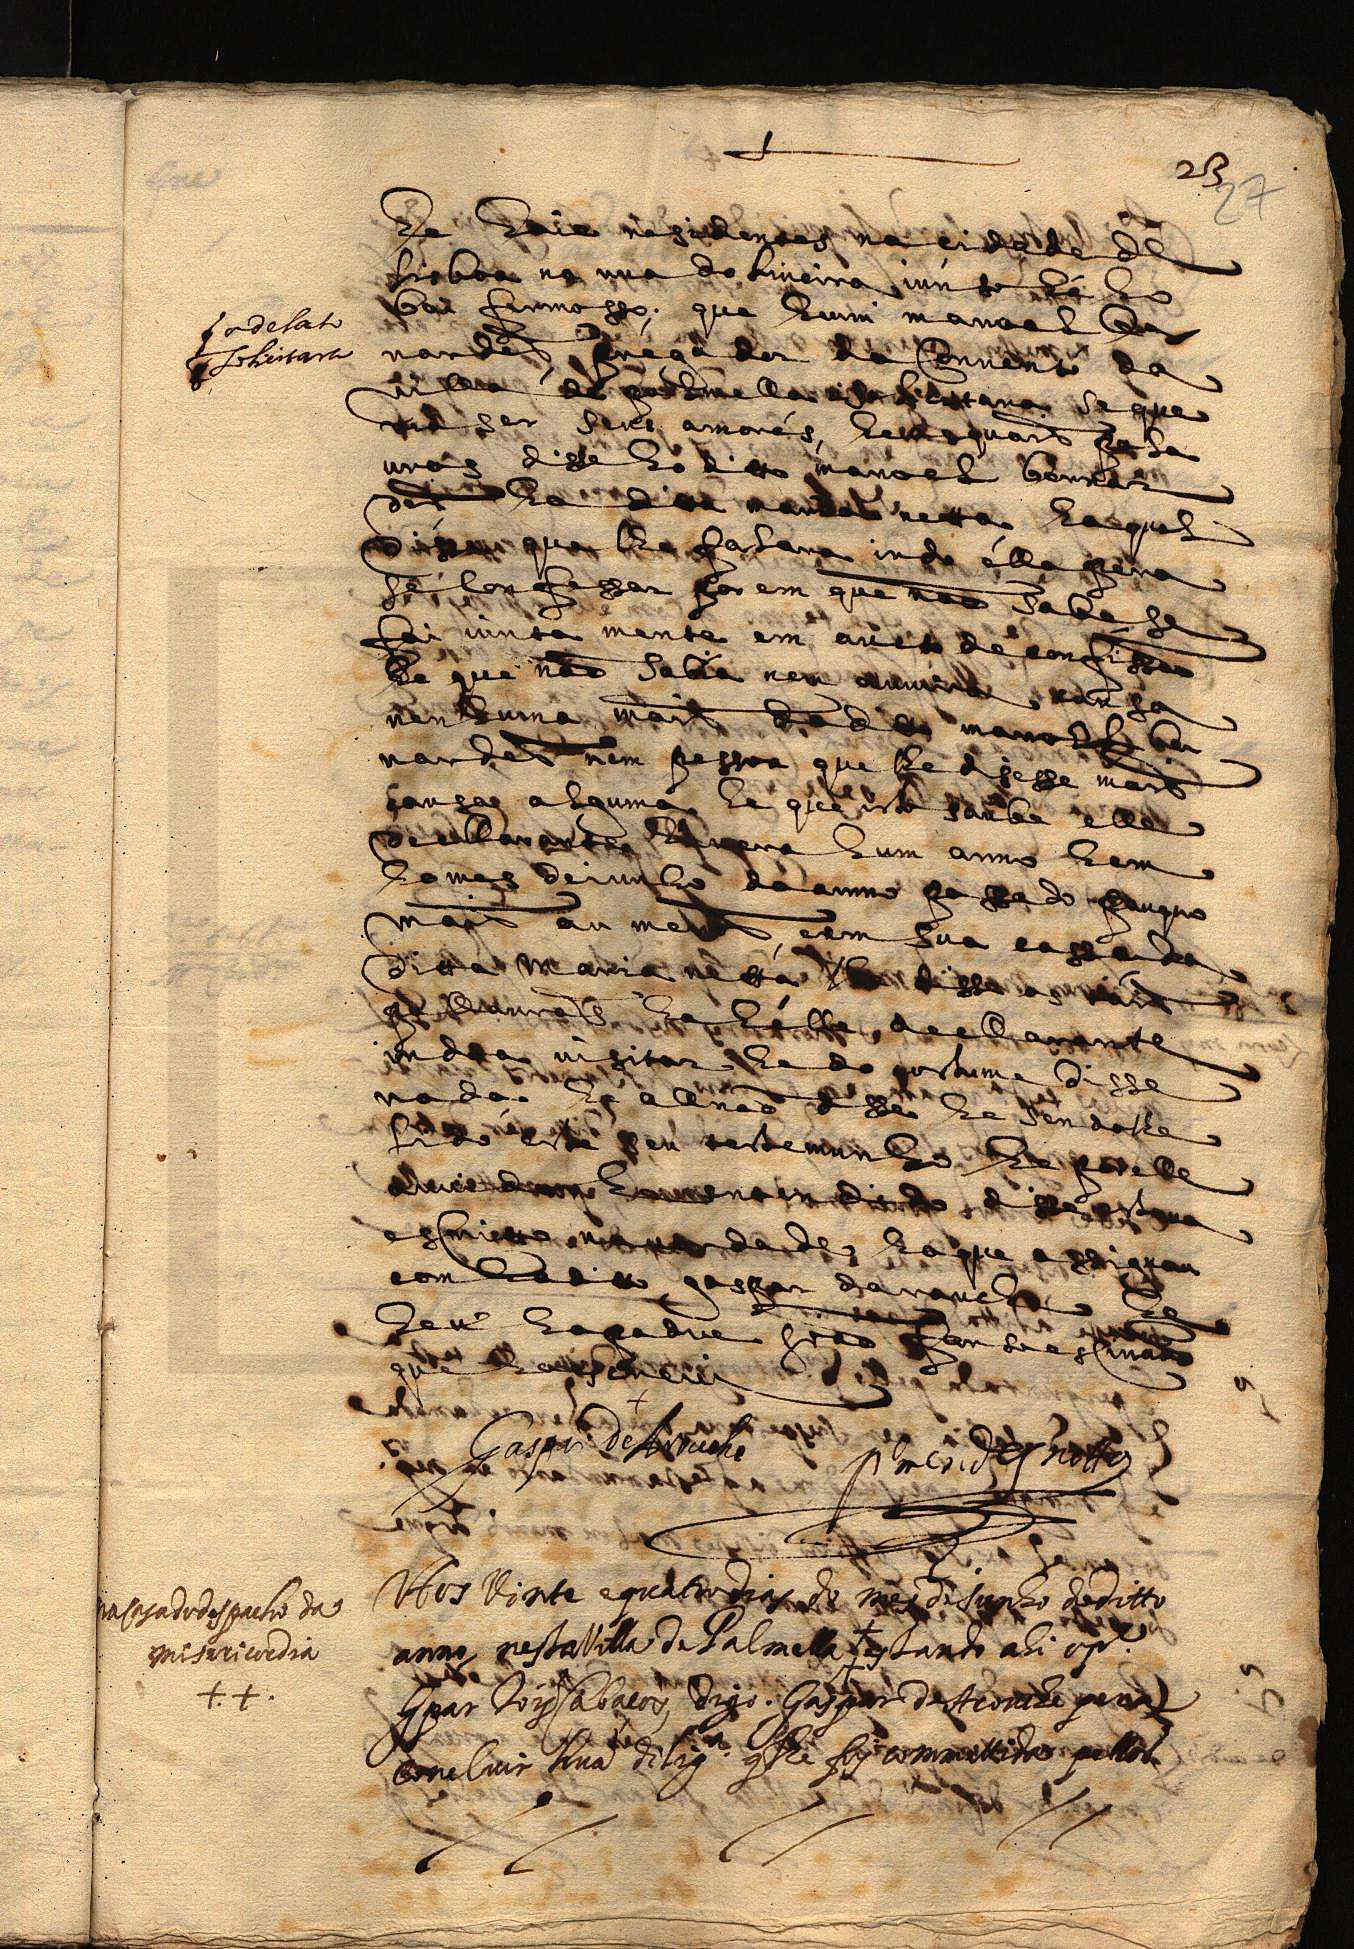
23
he hoie residentes na cidade de
lisboa na rua doliueira iunto háho
boi fermosso; que hum manoel ber
q̄ o delato
q̄ solicitara
nardes, pregador do Conuento da
uilla de palmella solicitara se que
ria ser seus amores, has quais pala
uras disse ho ditto manoel bernar
des ha dita maria netta, ha qual
disse que lhe falara indo ella pera
se confessar porem que naõ sabe se
foi iuntamente em aucto de confissaõ
he que não sabia nem ouuira cousa
nenhuma mais do ditto manoel ber
nardes nem pessoa que lhe disesse mais
cousa alguma he que isto soube elle
decllarante hauera hum anno E em
ho mes de iunho do anno passado pouquo
mais ou menos, e em sua cassa da
ditta maria netta lhe disse as tais
pallauras ha hélle decllarante
indo a uisitar he do costume disse
nada he all naõ disse he sendolhe
lido este seu testemunho he por elle
ouuido he entendido disse estaua
esCritto na uerdade, ho que assignou
com ho ditto gaspar darouche he
heu ho padre João farso escriuão
que ho escreui
Gaspar de Arouche
po mendes netto
Aos Vinte e quatro dias do mes de Iunho do ditto
na casa do despacho da
misericordia
+. +.
anno, nesta Villa de Palmella + estando ahi o pe.
Gpar Roiz̄ Cabaços, digo. Gaspar de Arouche pera
concluir huā diliga. q̄ lhe foy commettida pellos
